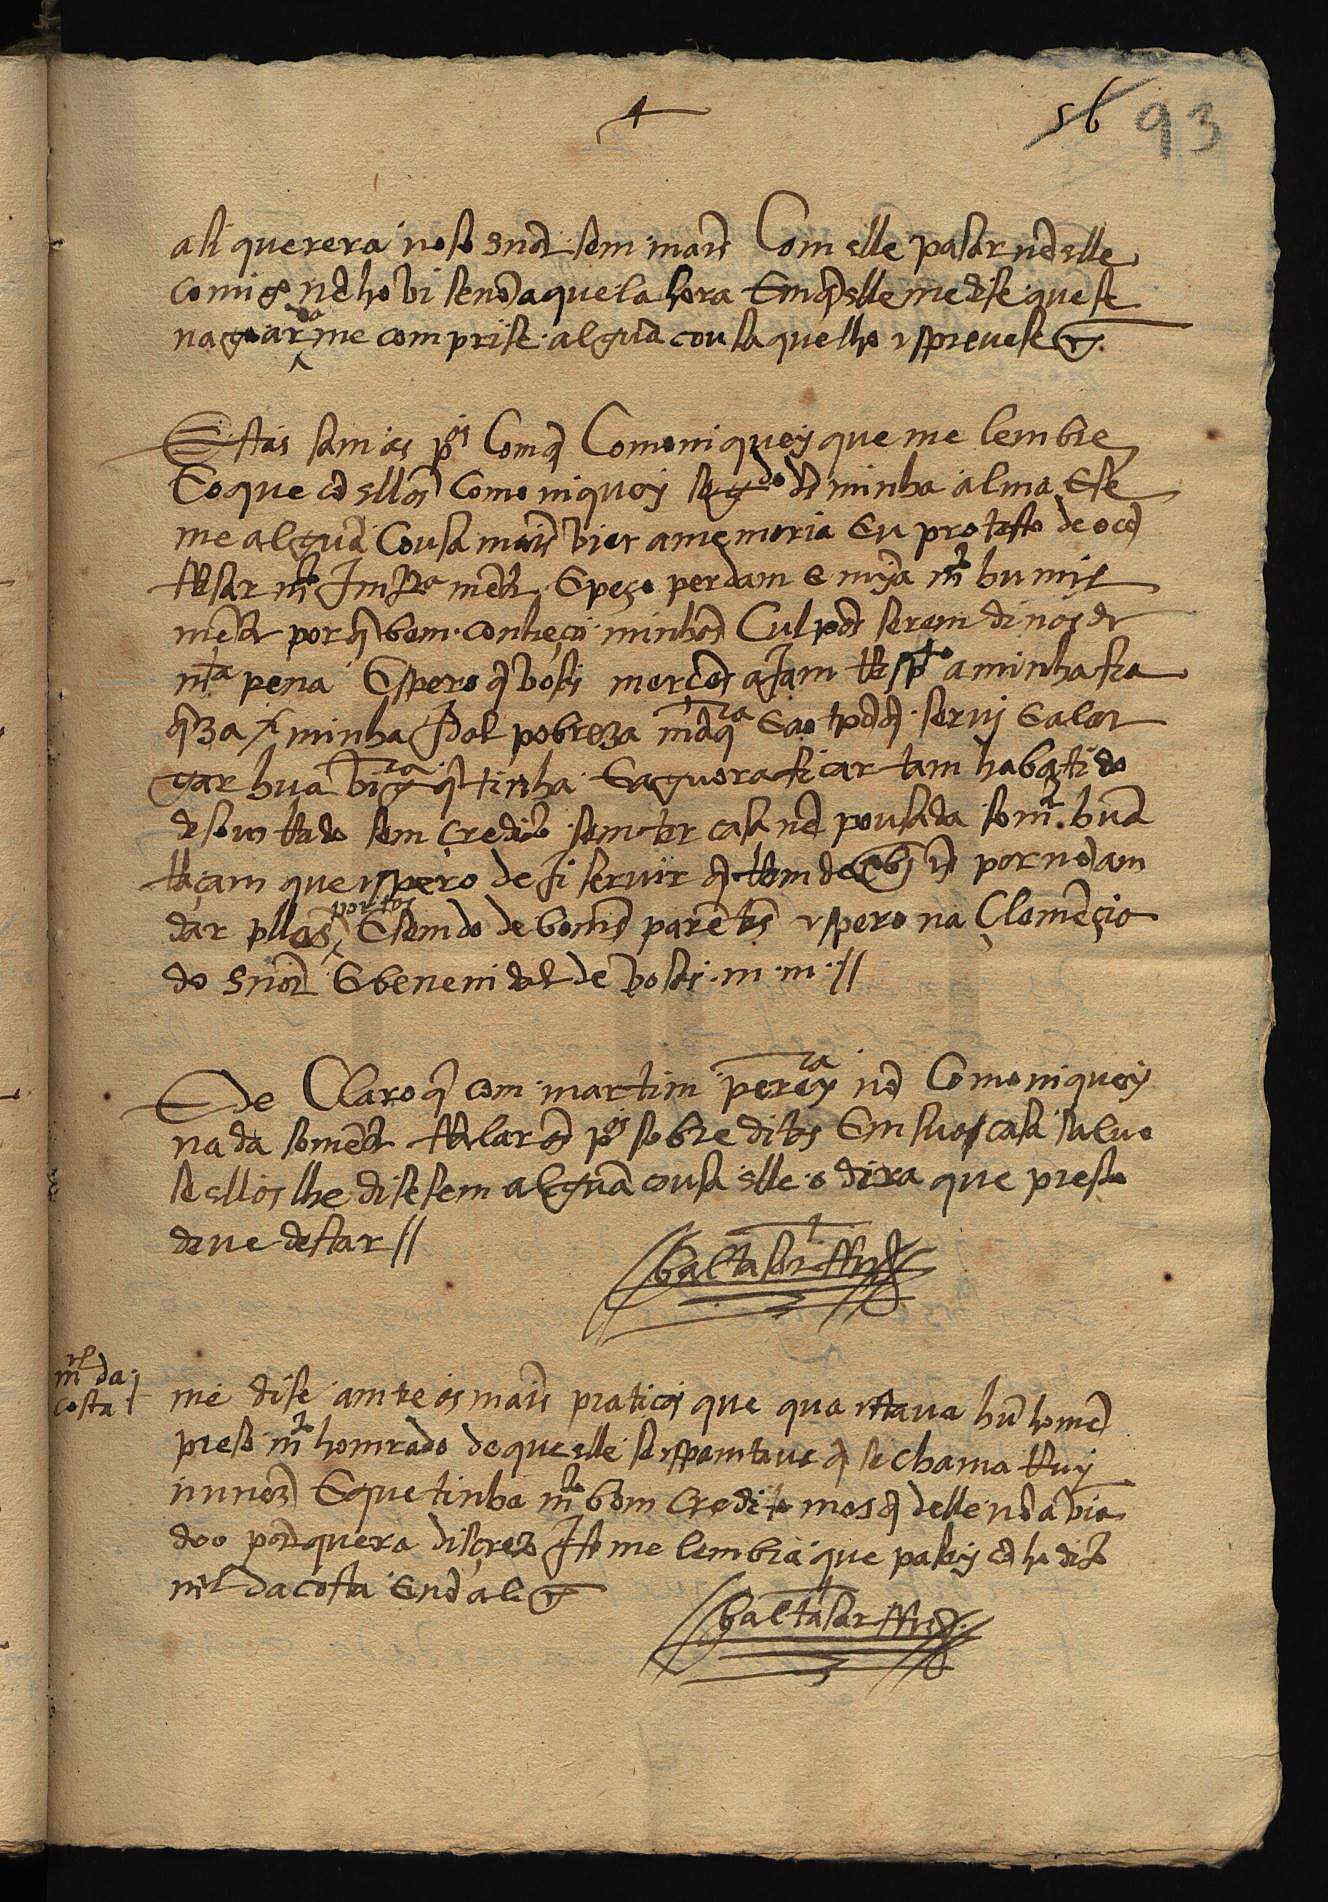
asi querera noso snōr sem maīs Com elle pasar nē elle
comigo nē ho vise nō aquela hora Em q̄ elle me dise que se
na g_arda me comprise alguā cousa que lho espreuese c̄ꝭ
Estas sam as pas Com q̄ Comoniquey que me lembre
E o que cō Ellās comoniquey segdo ds̄ minha alma E se
me alguā cousa maīs vier a memoria Eu protesto de o cō
ffesar mto Jmtramēte E peço perdam e mȳa mto humil
mēte porq̄ bem conheço minhas Culpas serem dinas de
mta pena Espero q̄ vosas mercēs aJam Respto a minha fra
q̄za e minha Jdal pobreza māqra E ao tpō q̄ seruj E a lar
gar huā vigra q̄ tinha E aguora ficar tam habatido
desomRado sem credito sem ter casa nē pousada somte hūa
Raçam que espero de Jr seruir q̄ Remde xbj̄ r̄s por nō am
dar pllas̄ portas E semdo de boms parētes espero na Clemēcia
do snōr E benenidal de vosas m. m. //
E deClaro q̄ com martim pereyra nō Comoniquey
nada somēte fallarā pas sobreditas Em suas casa saluo
se ellas lhe disesem alguā cousa elle o dira que presto
deue destar //
baltasar ffrz
me dise amtre as mais praticas que qua estaua hū homē
meL da
costa
preso mto homrado de que Elle se espamtaua q̄ se chama Ruy
nunēz E que tinha mto bom credito mas q̄ delle nō avia
doo porquera discreto Jso me lembra que pasey cō ho dito
mel da costa End al c̄ꝭ
baltasar ffrz
